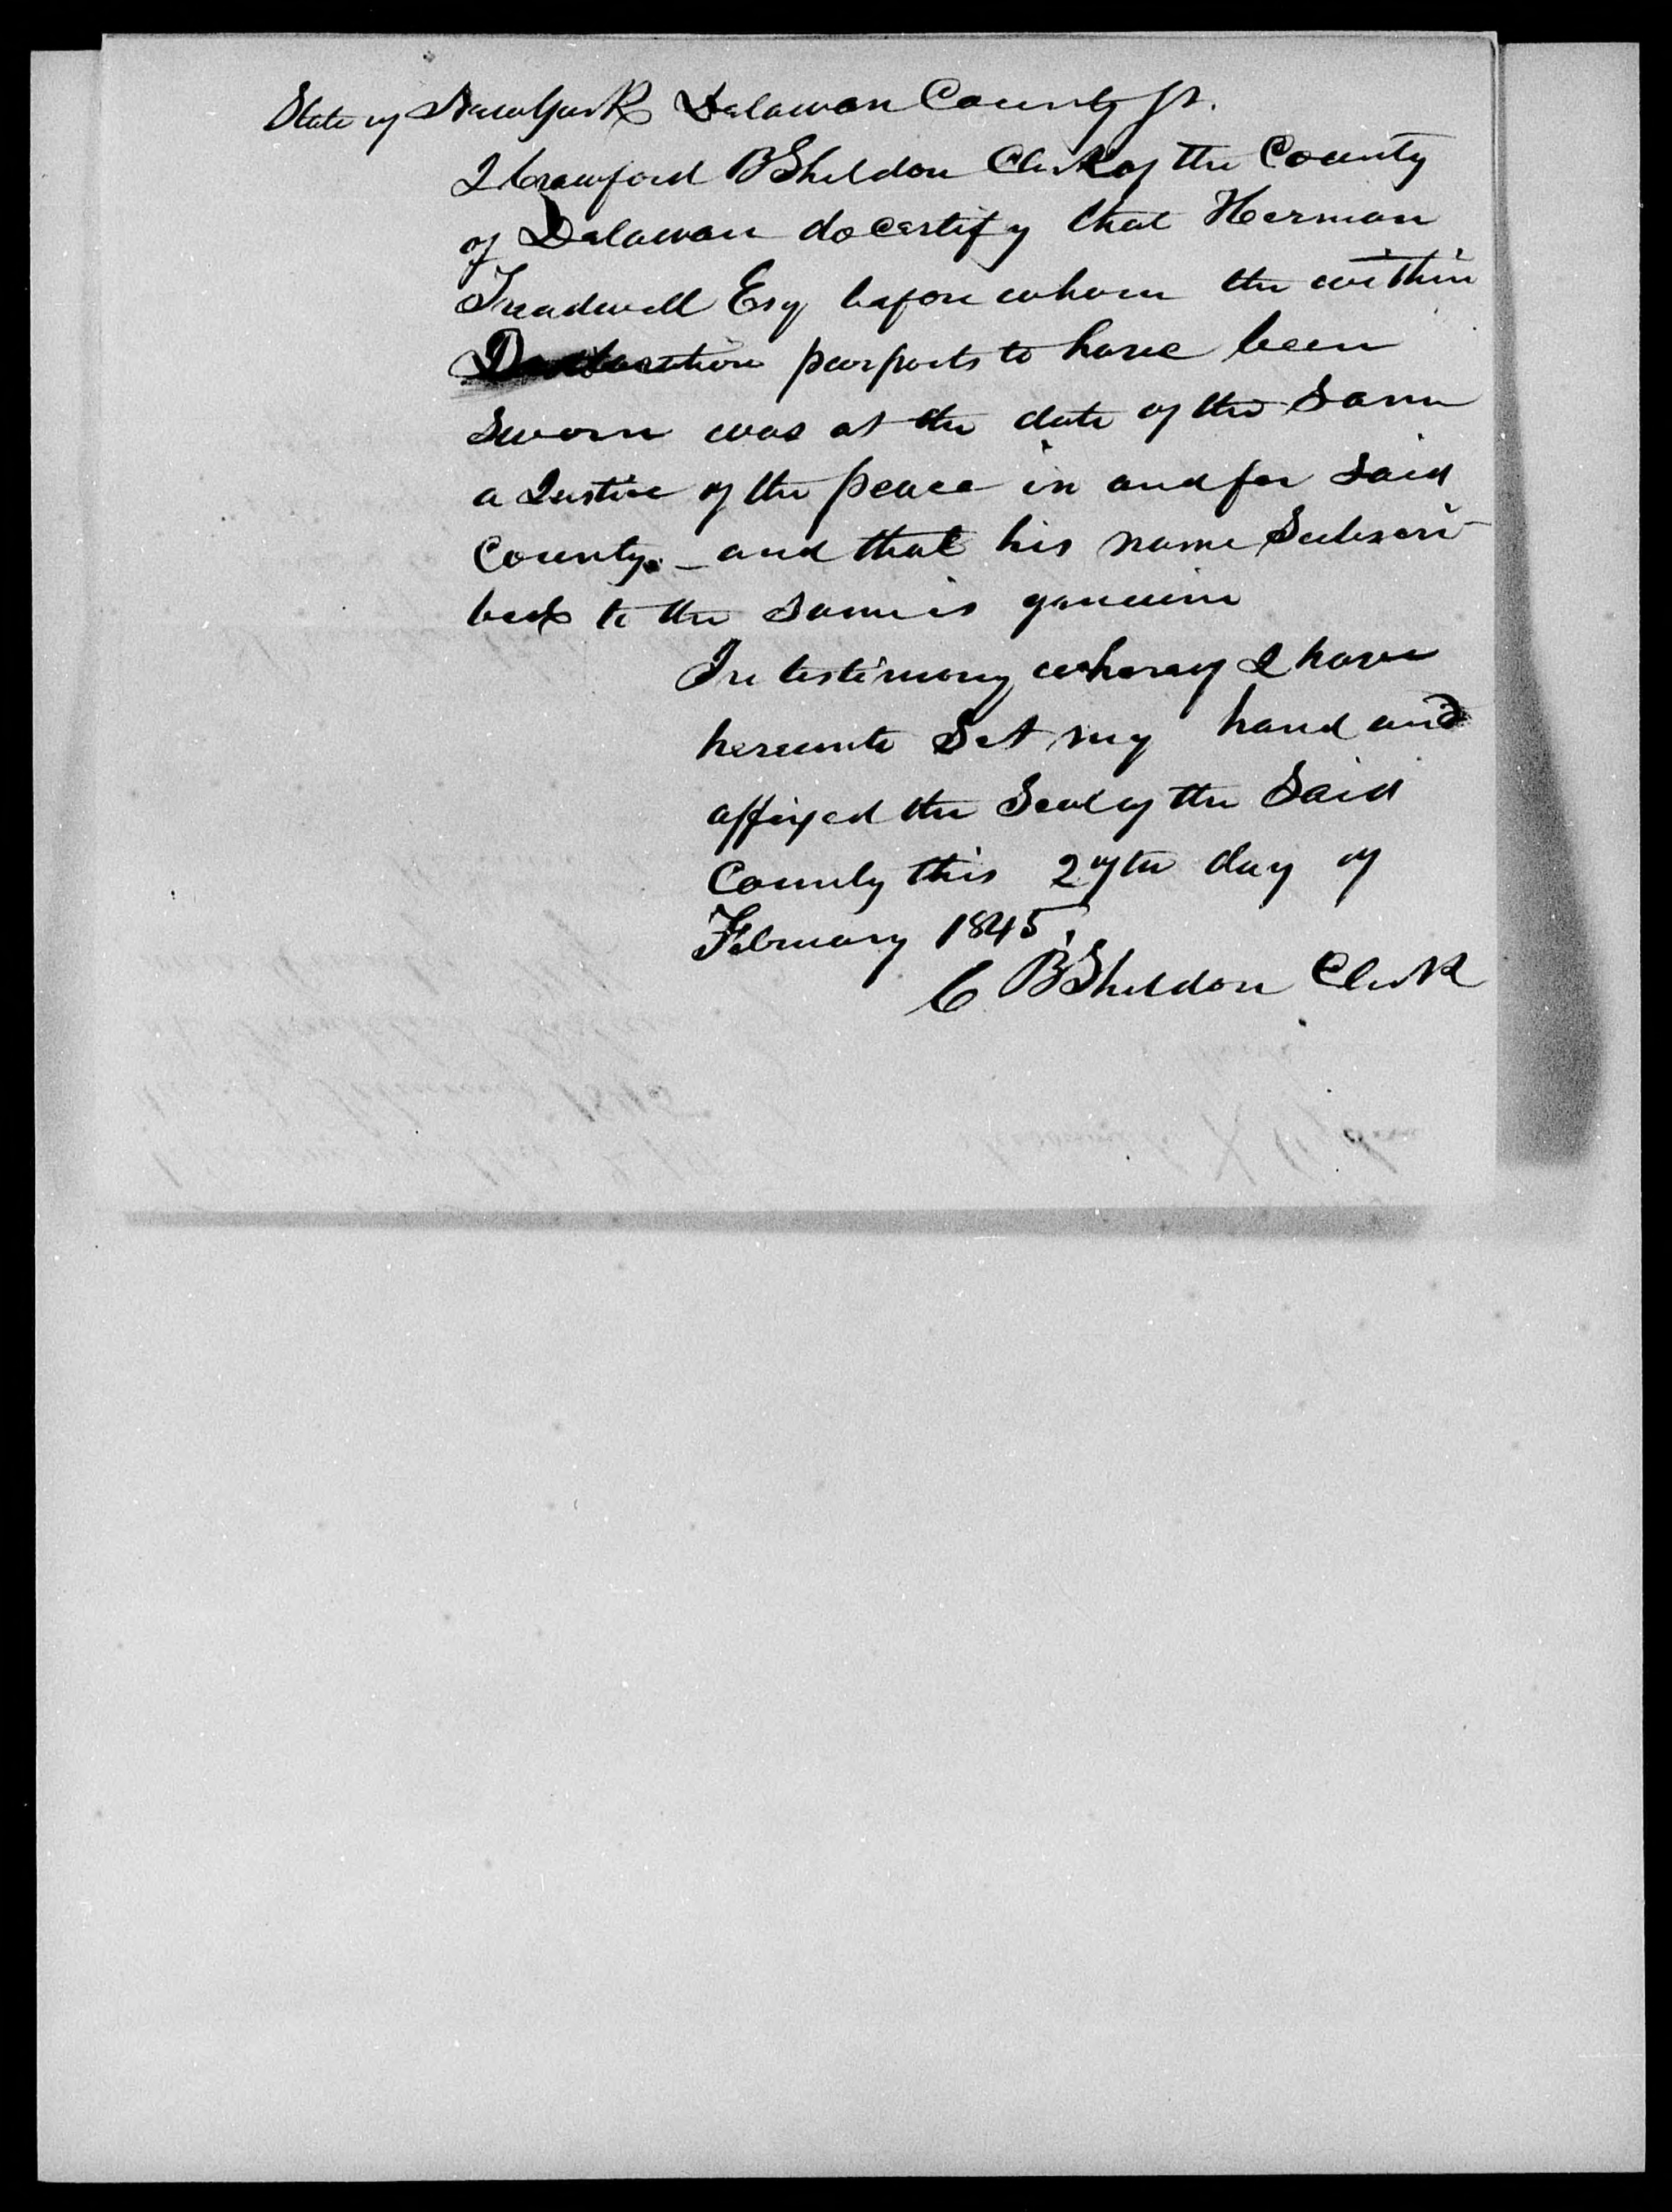State of New York Delaware County ss.
I Crawford B Sheldon Clerk of the County
of Delaware do certify that Herman
Treadwell Esq before whom the within
Declaration purports to have been
Sworn was at the date of the Same
a Justice of the Peace in and for Said
County, and that his name subscribed 
to the same is genuine

In testimony whereof I have
hereunto Set my hand and
affixed the Seal of the Said
County this 27th day of
February 1845.
C B Sheldon Clerk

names: Crawford B Sheldon; Herman Treadwell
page: 35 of 40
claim: widow's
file: W. 24364, for David Ogden, New York